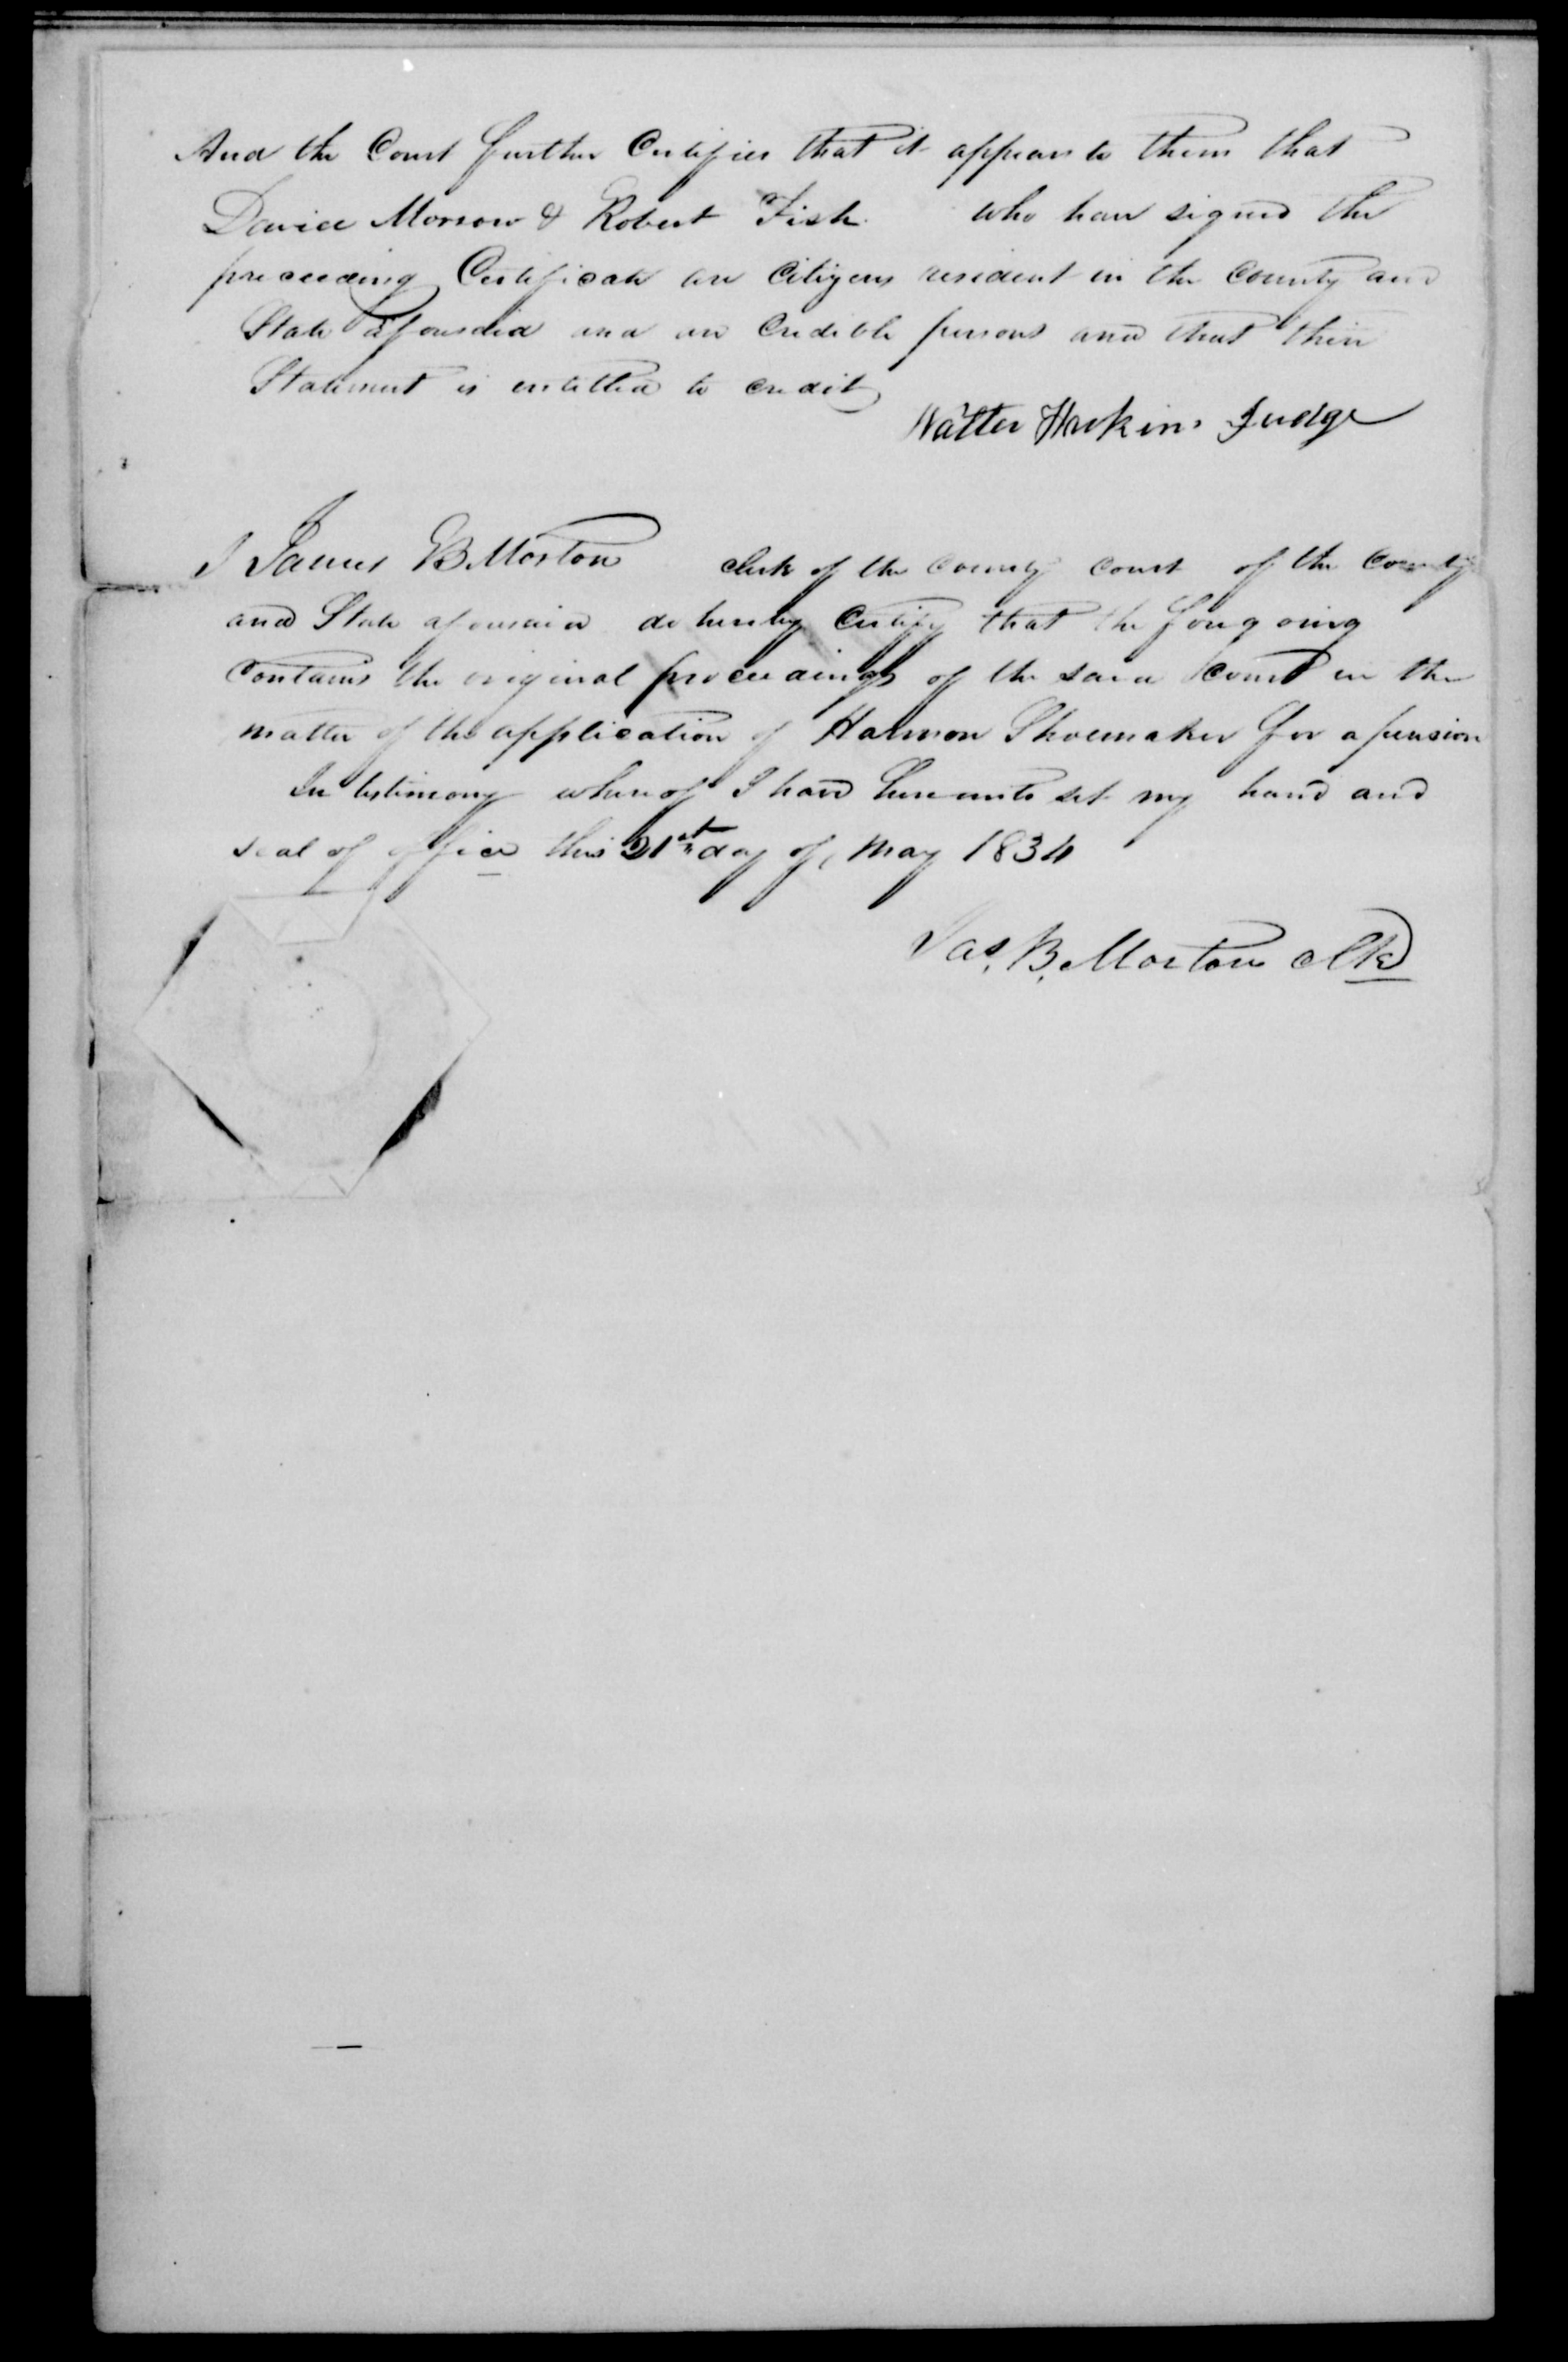And the Court further certifies that it appears to them that David Morrow & Robert Fish
who have signed the preceding certificate are citizens resident in the County and State aforesaid and are credible persons and that their Statement is entitled to credit
Walter Hawkins Judge
---
I James B. Morton Clerk of the County Court of the County and State aforesaid do hereby certify that the foregoing contains the original proceedings of the said Court in the matter of the application of Harmon Shoemaker for a pension In testimony whereof I have hereunto set my hand and seal of office this 21st day of May 1834
Jas B. Morton Clk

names: Jas B Morton; Harmon Shoemaker; Robert Fish; James B Morton; Walter Harkins; David Morrow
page: 11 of 20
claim: survivor's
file: S. 32512, for Harmon Shumaker, Maryland